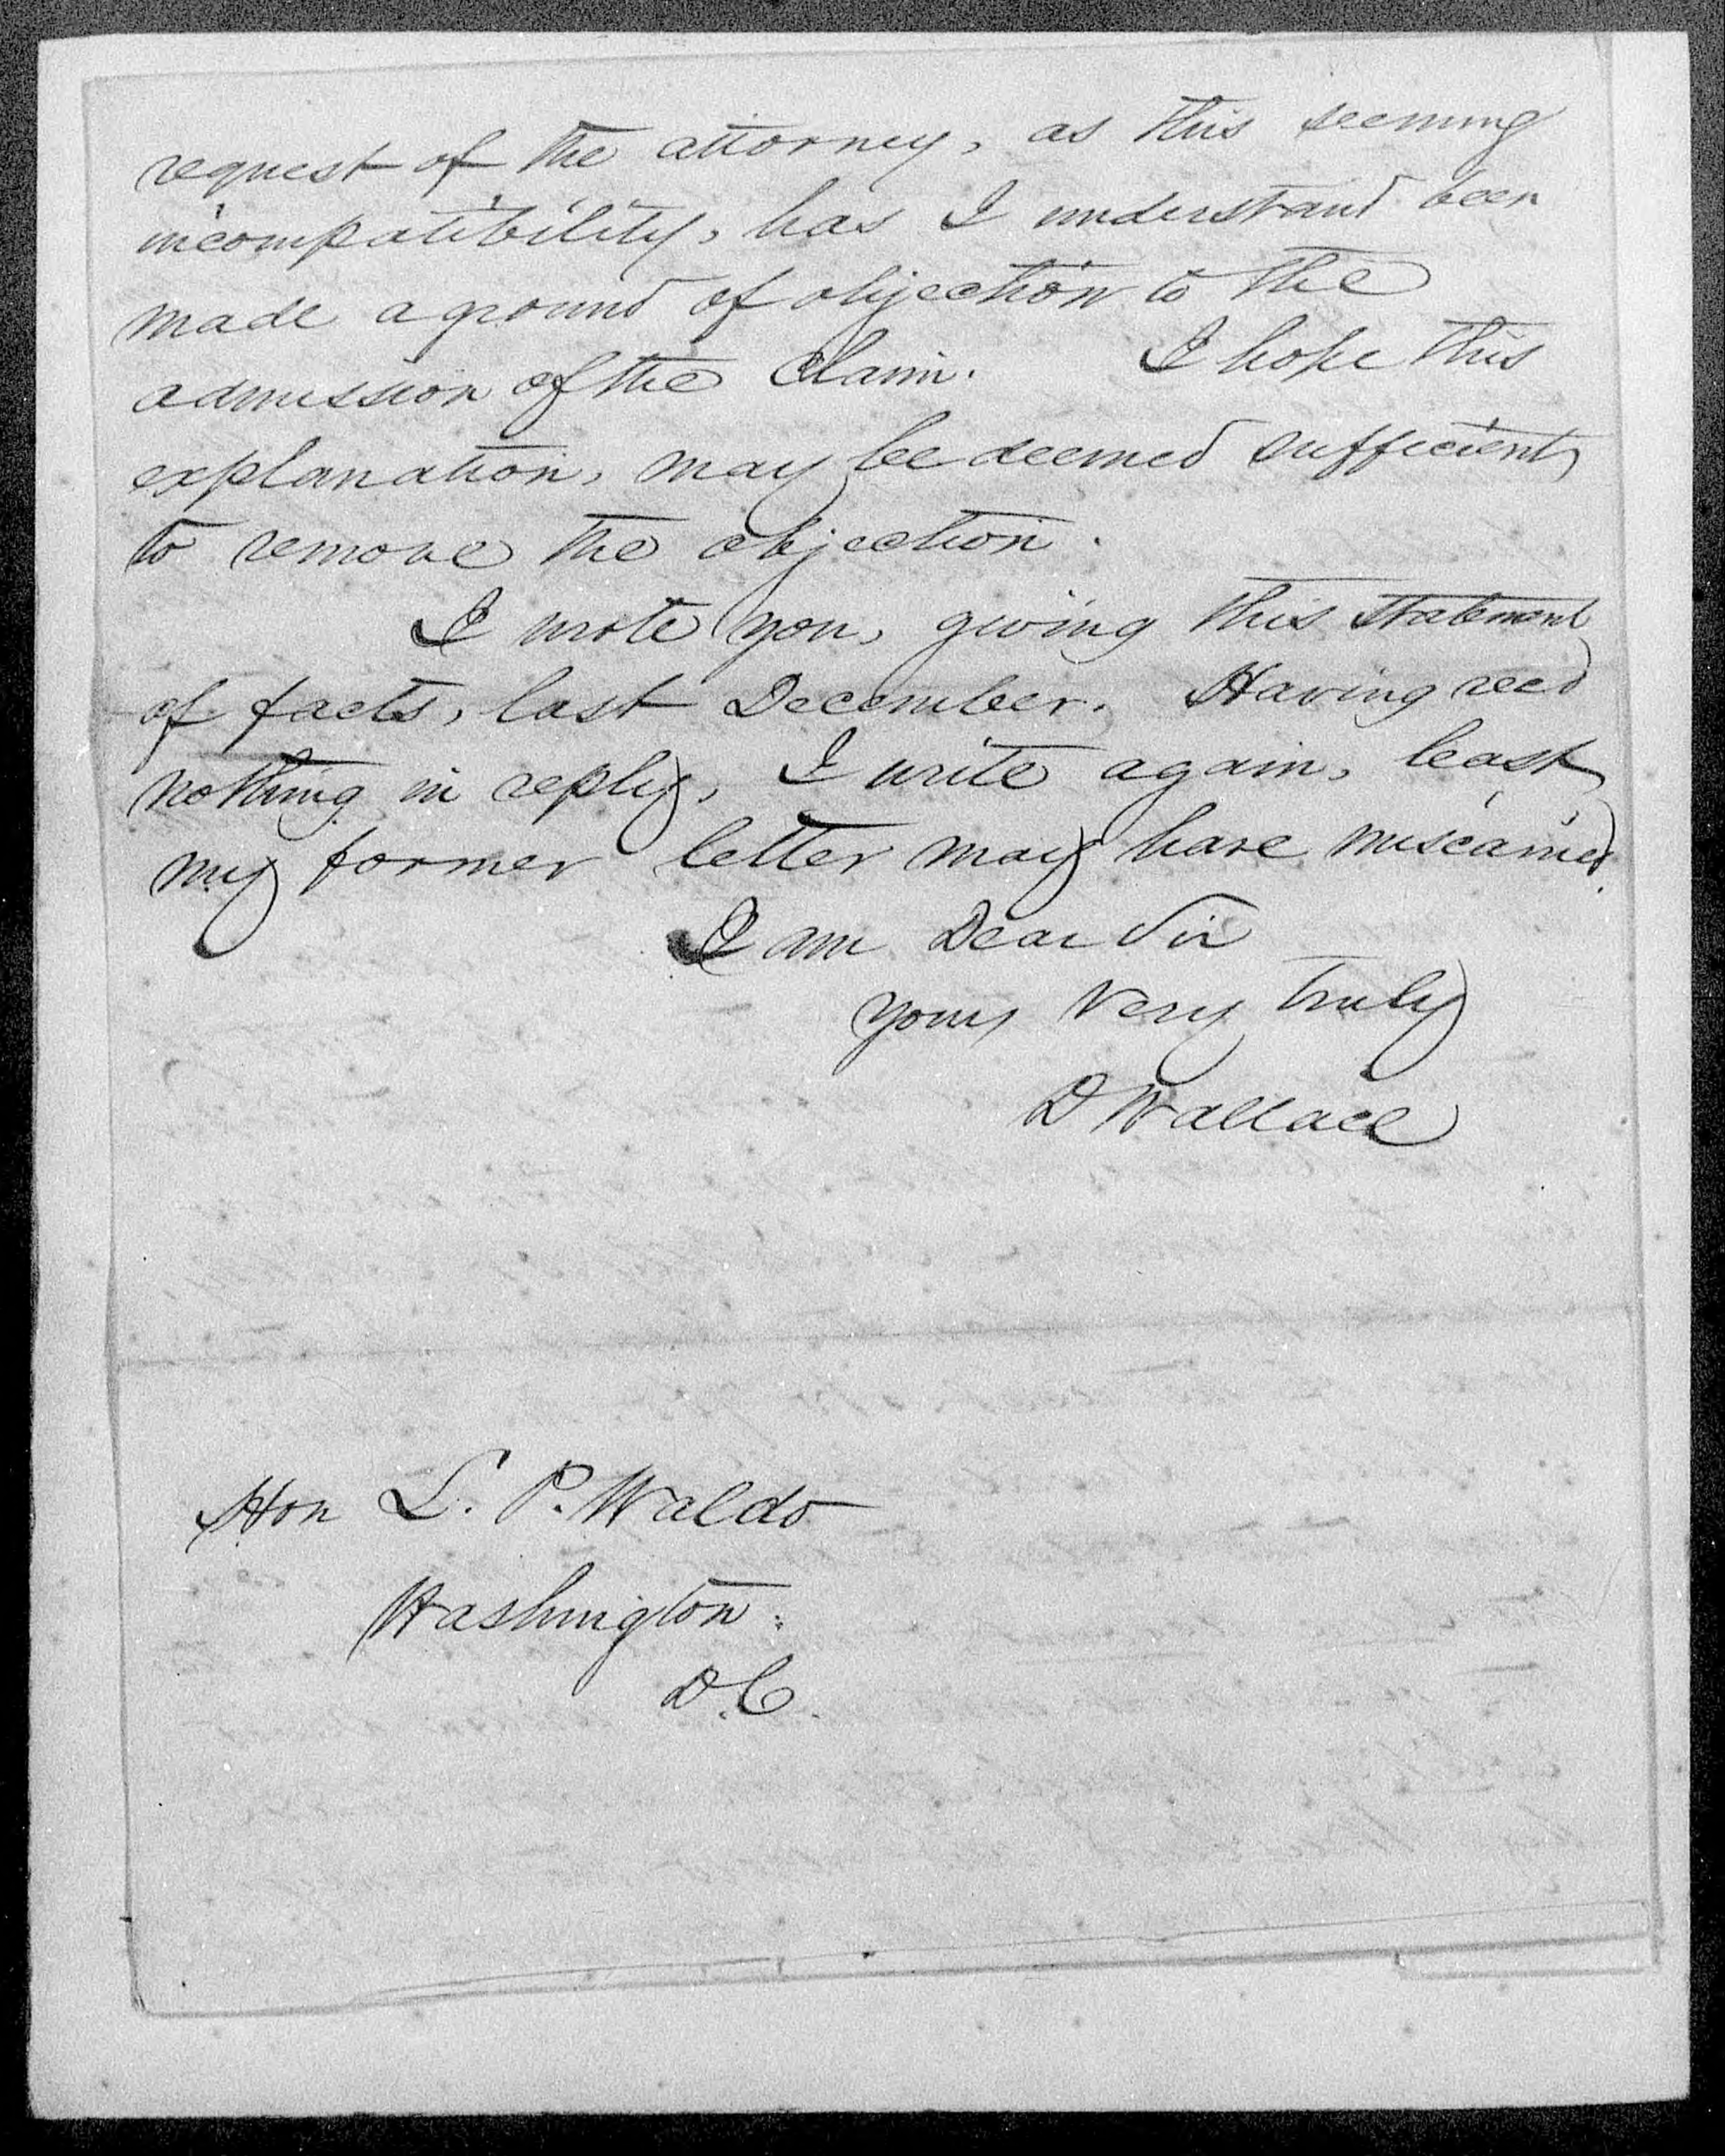request of the attorney, as this seeming incompatibility, as I understand been made a round of objection to the admission of the claim, I hope this explanation, may be deemed sufficient to remove the objection I wrote you, giving this statement of facts, last December. Having rec'd nothing in reply, I write again, least my former letter may have misnamed. I am, Dear Sir, yours very truly.
 D Wallace

Hon L.P Waldo
Washington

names: D Wallace, L P Waldo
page: 29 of 57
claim: survivor's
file: S. 18888, David Golightly, S.C.